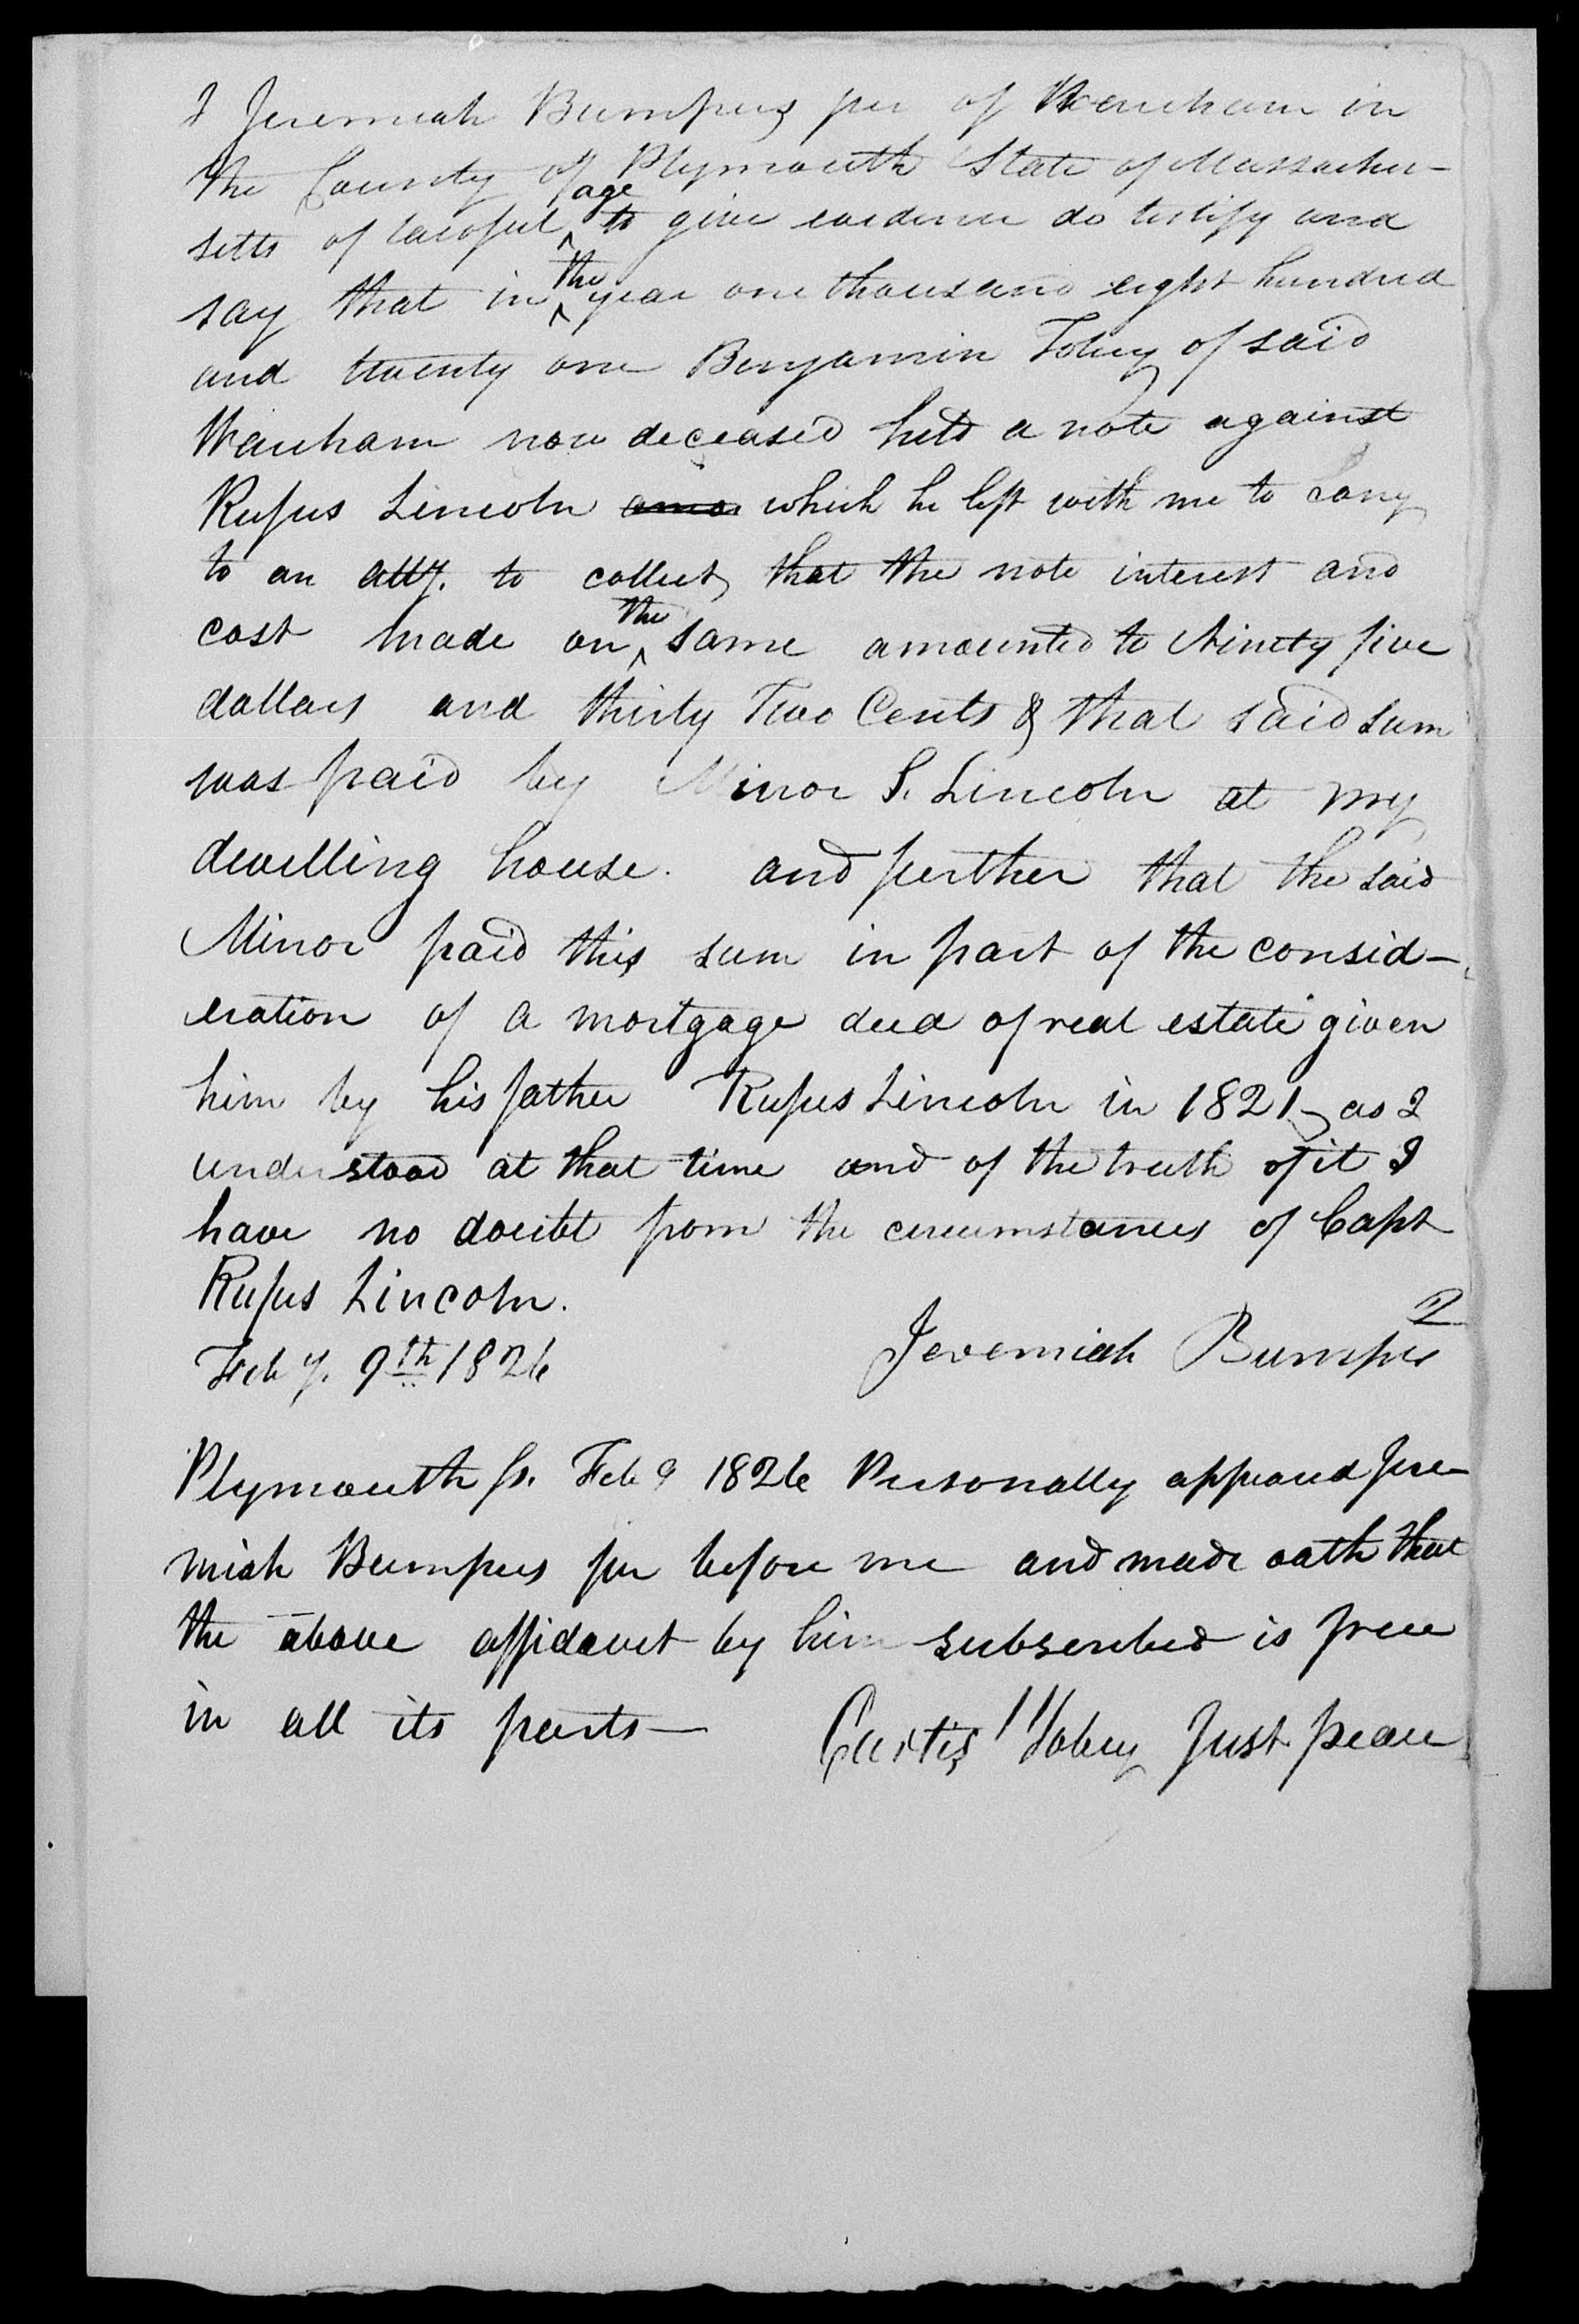I Jeremiah Bumpus per of Wareham in
the County of Plymouth State of Massachu
setts of lawful age to give evidence do testify and say that in the year one thousand eight hundred and twenty one Benjamin Tobey of said Wareham now deceased held a note against Rufus Lincoln which he left with me to carry to an Atty to collect that the note interest and cash made on the same amounted to Ninety five dollars and thirty two cents & that said sum was paid by Minor S. Lincoln at my
dwelling house. and further that the said
Minor paid this sum in part of the consideration of a Mortgage deed of real estate given him by his father Rufus Lincoln in 1821, as I understood at that time and of the truth of it I have no doubt from the circumstances of Capt Rufus Lincoln
Feby 9th 1826
Jeremiah Bumpus
Plymouth ss Feb 9 1826 
Personally appeared Jeremiah Bumpus per before me and made oath that the above affidavit by him subscribed is true in all its parts.
Curtis Tobey  Just Peace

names: Benjamin Tobey; Curtis Tobey; Jeremiah Bumpus; Minor S Lincoln; Rufus Lincoln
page: 75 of 82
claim: widow's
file: W. 13,634, for Rufus Lincoln, Massachusetts